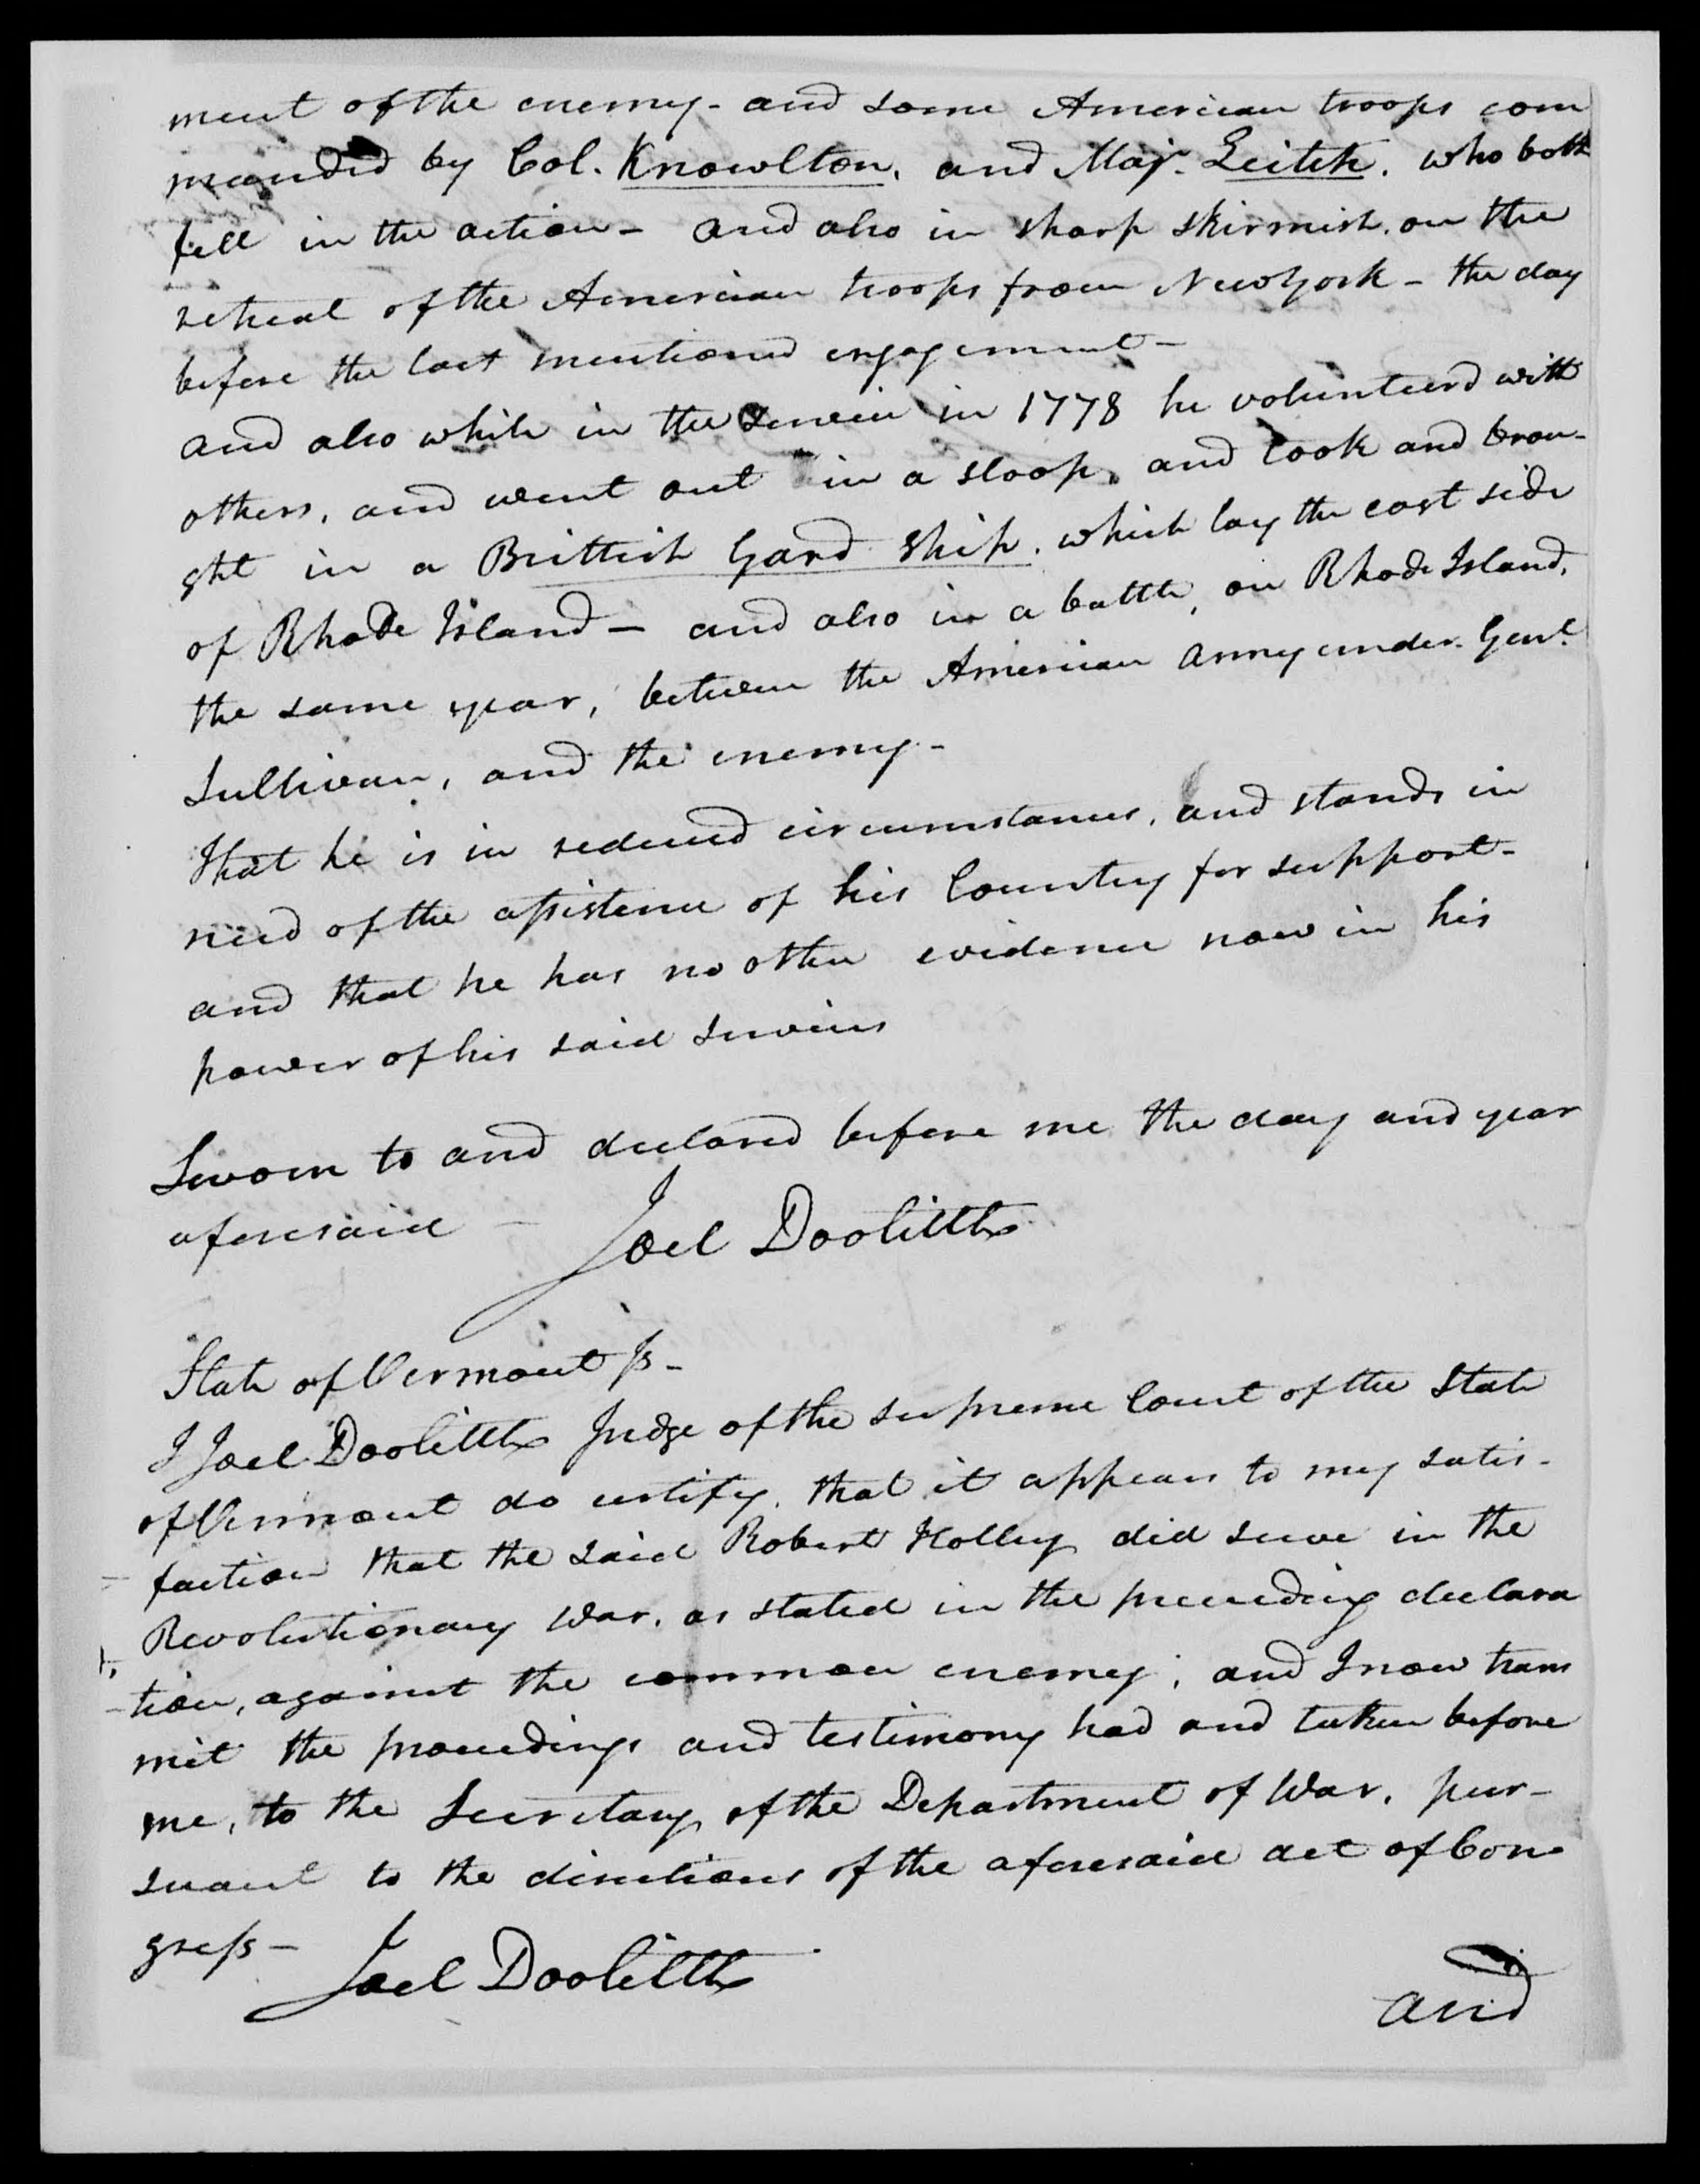of the enemy, and some American troops commanded 
by Col. Knowlton and Maj. Leitch who both
fell in the action - and also in sharp skirmish on the
retreat of the American troops from New York, the day
before the last mentioned engagement
and also while in the service in 1778 he volunteered with
others, and went out in a stoop, and took and brought
in a Brittish Guard ship, which lay the east side
of Rhode Island and also in a battle on Rhode Island
the same year, between the American army under Genl
Sullivan, and the enemy
That he is in reduced circumstances, and stands in
need of the assistance of his country for support.
and that he has no other evidence now in his
power of his said services

Sworn to and declared before me the day and year
aforesaid
Joel Doolittle

State of Vermont
Joel Doolittle
Judge of the Supreme Court of the State of
Vermont do certify that it appears to my satisfaction 
that the said Robert Holley did serve in the
Revolutionary War as stated in the preceeding declaration, 
against the common enemy; and I now transmit 
the proceedings and testimony had and taken before
me, to the Secretary of the Department of War pursuant 
to the directions of the aforesaid act of Congress
Joel Doolittle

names: Leitch, Joel Doolittle, Joel Doolittle, Knowlton, Joel Doolittle, Robert Holley, Sullivan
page: 47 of 62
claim: widow's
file: W. 21391, Robert Holley, Conn.